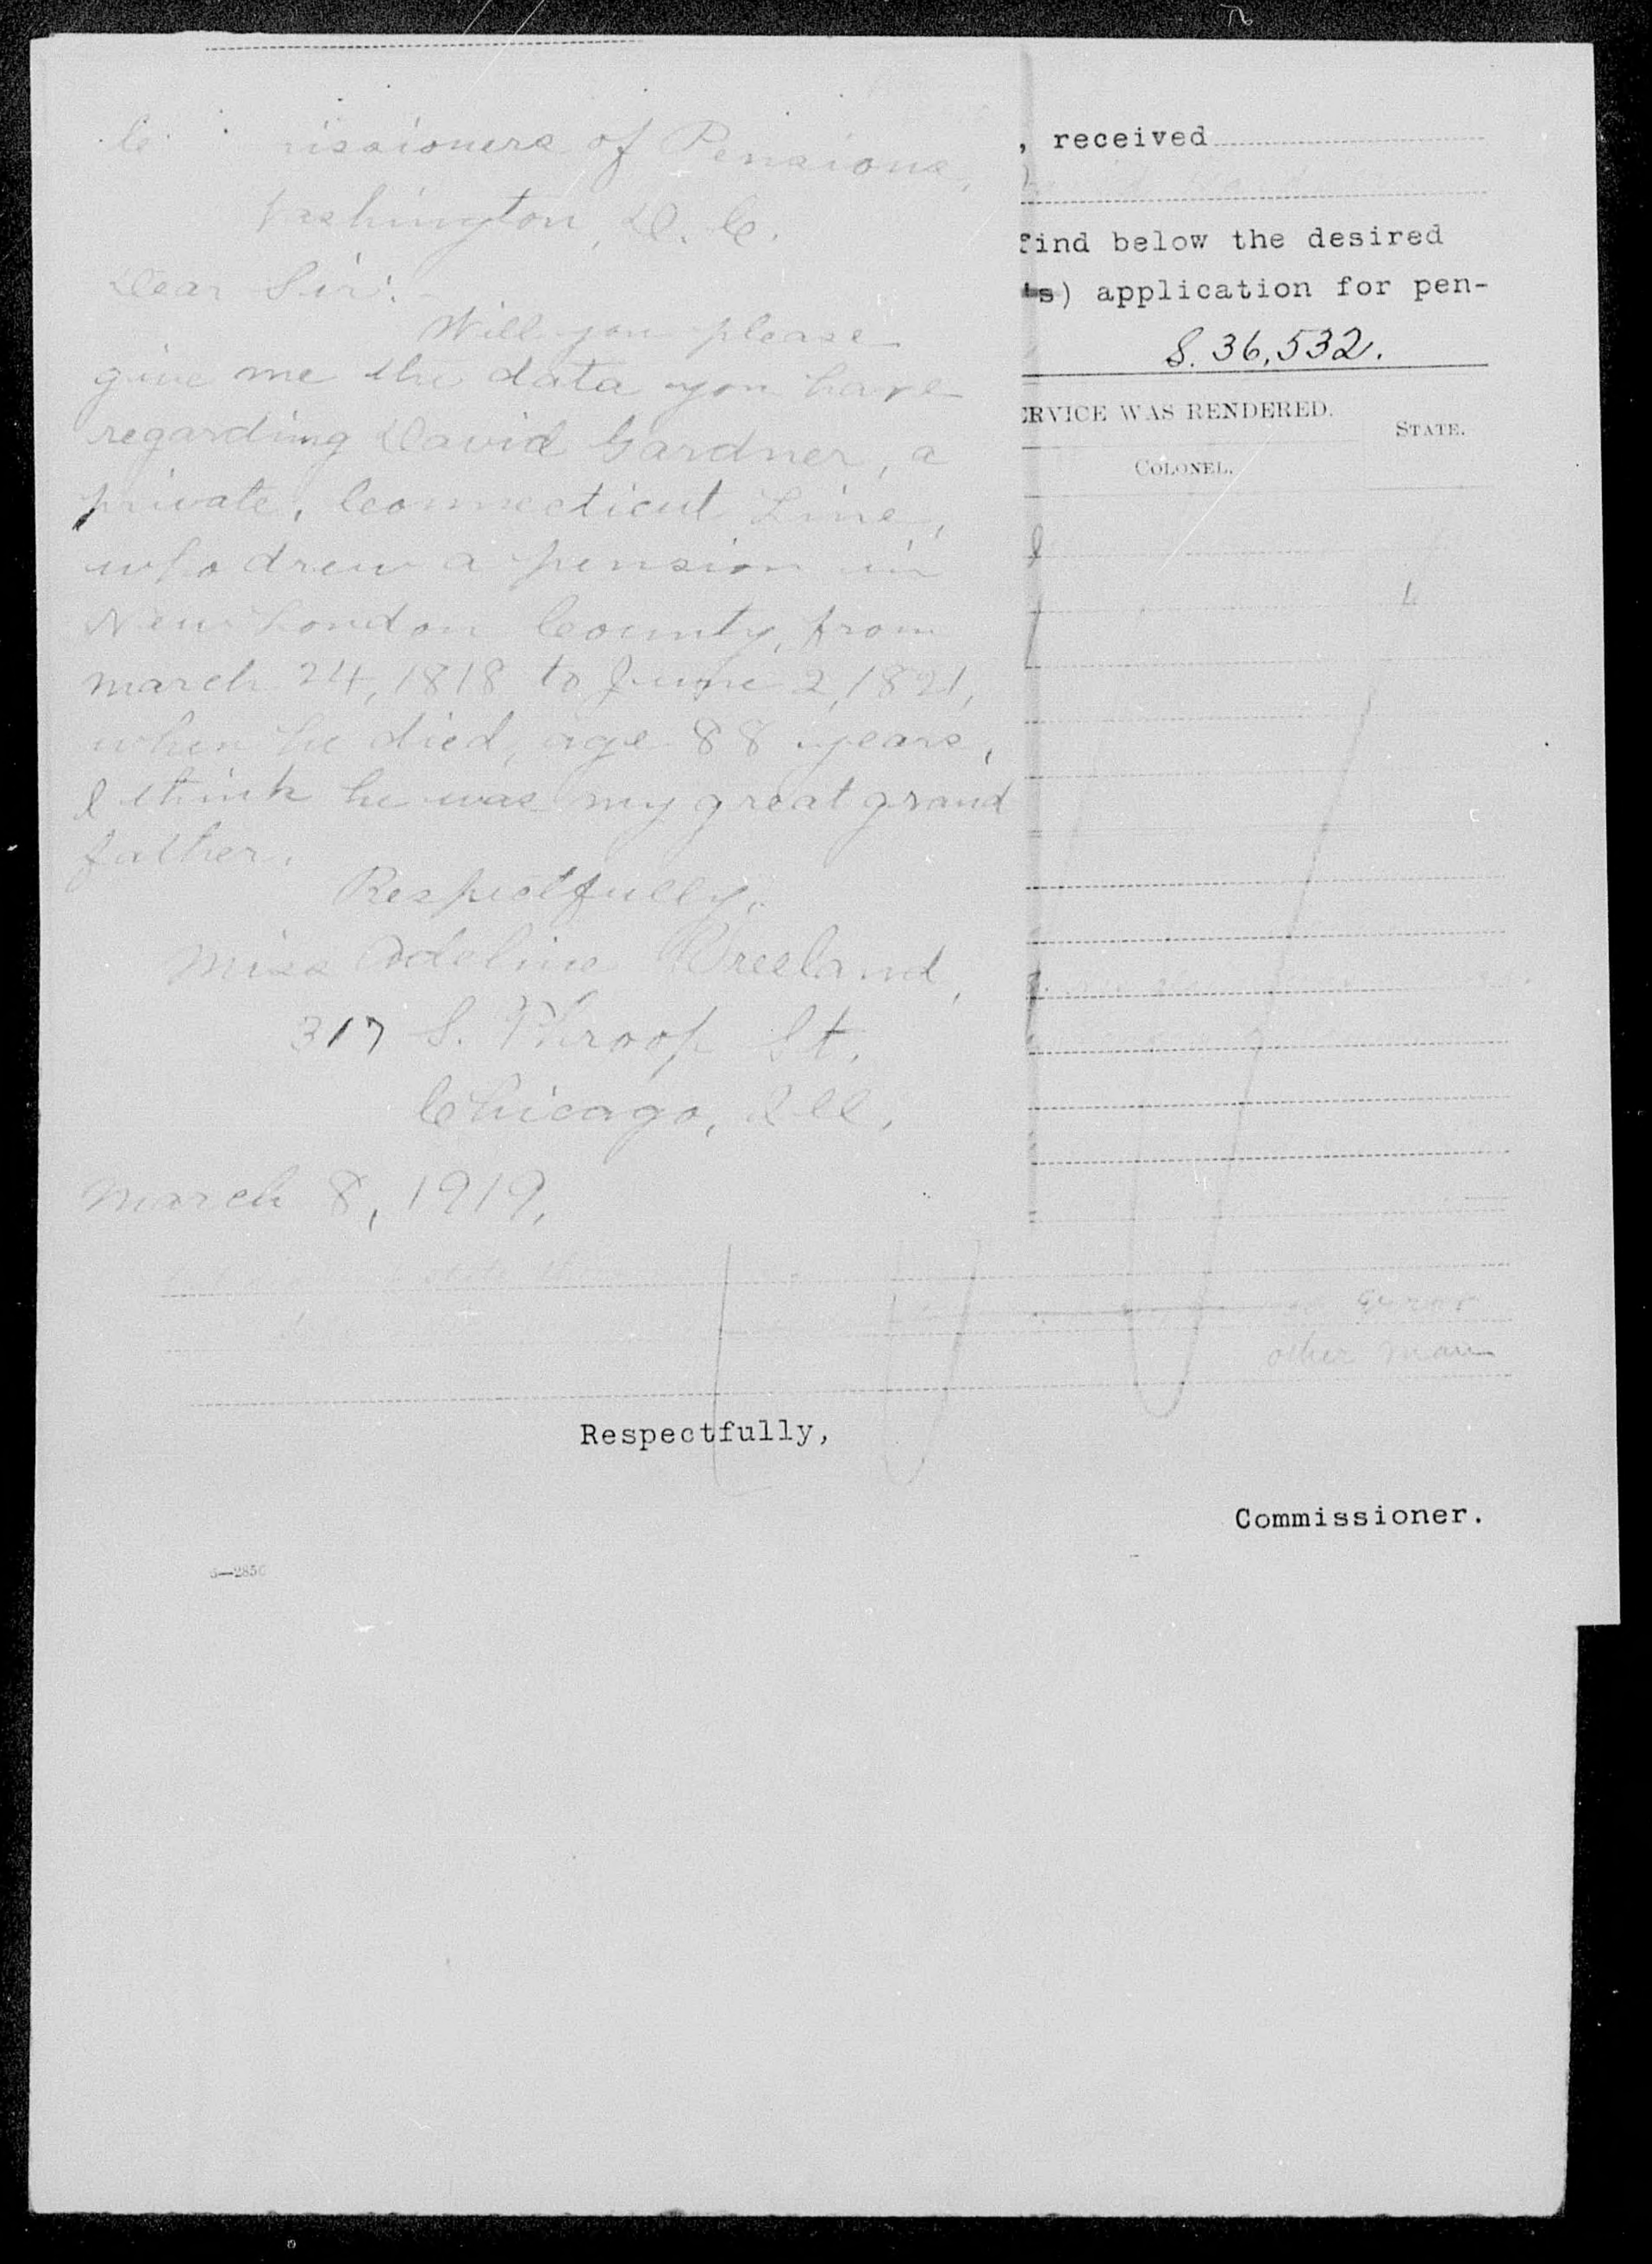Commissioner of Pensioner, Washington, D. C.

Dear Sir:
Will you please give me the data you have regarding David Gardner, a private, Connecticut Line, who drew a pension in New London County, from March 24, 1818 to June 21, 1821, where he died age 88 years, I think he was my great grandfather.
Respectfully,
Miss Adeline Vreeland,
317 S. []hroof St.
Chicago, Ill,
March 8, 1919

[letter on top of another document, partially seen]

, received
find below the desired
s) application for pen
S. 36,532.

RVICE WAS RENDERED.
COLONEL.  STATE
Respecfully,

Commissioner.
5-285C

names: Adeline Vreeland, David Gardner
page: 37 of 66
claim: widow's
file: W 1850, David Gardner, Conn.